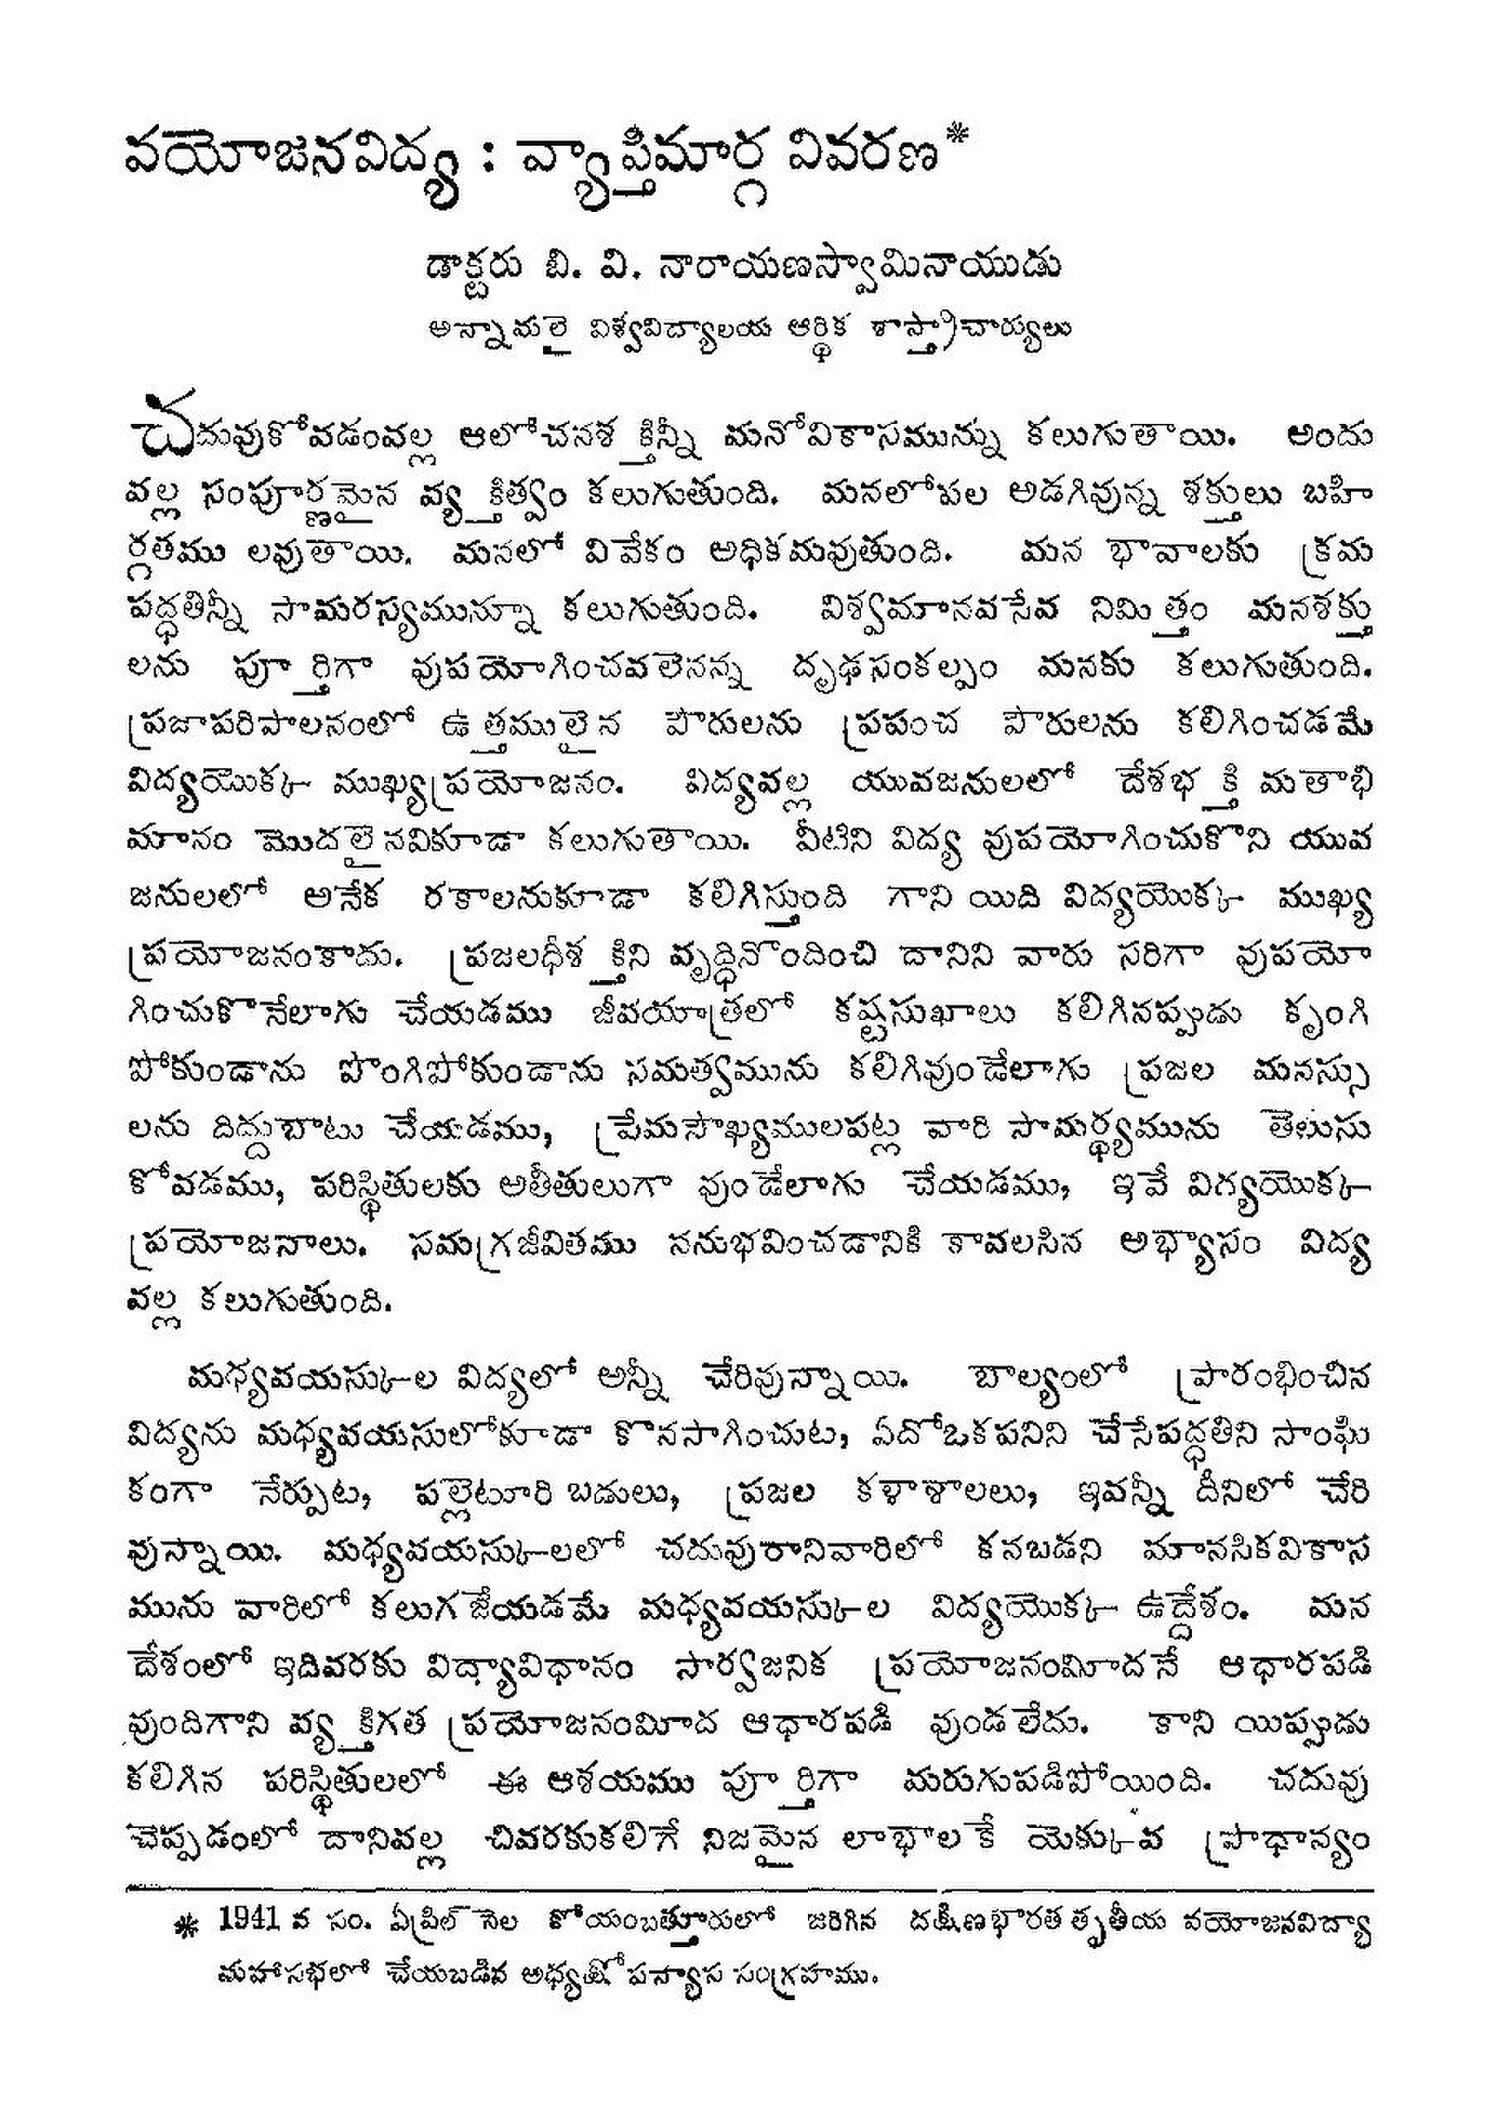వయోజన విద్య: వ్యాప్తిమార్గ వివరణ

చదువుకోవడంవల్ల ఆలోచనశక్తిన్నీ మనోవికాసమున్ను కలుగుతాయి. అందువల్ల సంపూర్ణమైన వ్యక్తిత్వం కలుగుతుంది. మనలోపల అడగివున్న శక్తులు బహిర్గతము లవుతాయి. మనలో వివేకం అధికమవుతుంది. మన భావాలకు క్రమపద్ధతిన్నీ సామరస్యమున్నూ కలుగుతుంది. విశ్వమానవ సేవ నిమిత్తం మనశక్తులను పూర్తిగా వుపయోగించవలెనన్న దృఢసంకల్పం మనకు కలుగుతుంది.
ప్రజాపరిపాలనంలో ఉత్తములైన పౌరులను ప్రపంచ పౌరులను కలిగించడమే విద్యయొక్క ముఖ్యప్రయోజనం. విద్యవల్ల 
యువజనులలో దేశభక్తి మతాభిమానం మొదలైనవికూడా కలుగుతాయి. వీటిని విద్య వుపయోగించుకొని యువజనులలో అనేక 
రకాలనుకూడా కలిగిస్తుంది గాని యిది విద్యయొక్క ముఖ్యప్రయోజనం కాదు. ప్రజలధీశరక్తిని వృద్ధినొందించి దానిని వారు సరిగా 
వుపయోగించుకొనేలాగు చేయడము జీవయాత్రలో కష్టసుఖాలు కలిగినప్పుడు కృంగిపోకుండాను పొంగిపోకుండాను సమత్వమును కలిగివుండేలాగు ప్రజల మనస్సులను దిద్దుబాటు చేయడము, ప్రేమసౌఖ్యములపట్ల వారి సామర్థ్యమును తెలుసుకోవడము, 
పరిస్థితులకు అతీతులుగా వుండేలాగు చేయడము, ఇవే విద్యయొక్క ప్రయోజనాలు. సమగ్ర జీవితము సనుభవించడానికి కావలసిన అభ్యాసం విద్యవల్ల కలుగుతుంది.

మధ్యవయస్కుల విద్యలో అన్నీ చేరివున్నాయి. బాల్యంలో ప్రారంభించిన విద్యను మధ్యవయసులోకూడా కొనసాగించుట, ఏదో ఒక పనిని చేసే పద్ధతిని సాంఘికంగా నేర్పుట, పల్లెటూరి బడులు, ప్రజల కళాశాలలు, ఇవన్నీ దీనిలో చేరివున్నాయి. మధ్యవయస్కులలో చదువురానివారిలో కనబడని మానసిక వికాసమును వారిలో కలుగజేయడమే మధ్యవయస్కుల విద్యయొక్క ఉద్దేశం. మన దేశంలో ఇదివరకు విద్యావిధానం సార్వజనిక ప్రయోజనంమీదనే ఆధారపడి వుందిగాని వ్యక్తిగత ప్రయోజనం మీద ఆధారపడి వుండలేదు. కానీ యిప్పుడు కలిగిన పరిస్థితులలో ఈ ఆశయము పూర్తిగా మరుగుపడిపోయింది. చదువు చెప్పడంలో దానివల్ల చివరకు కలిగే నిజమైన లాభాలకే యెక్కువ ప్రాధాన్యం